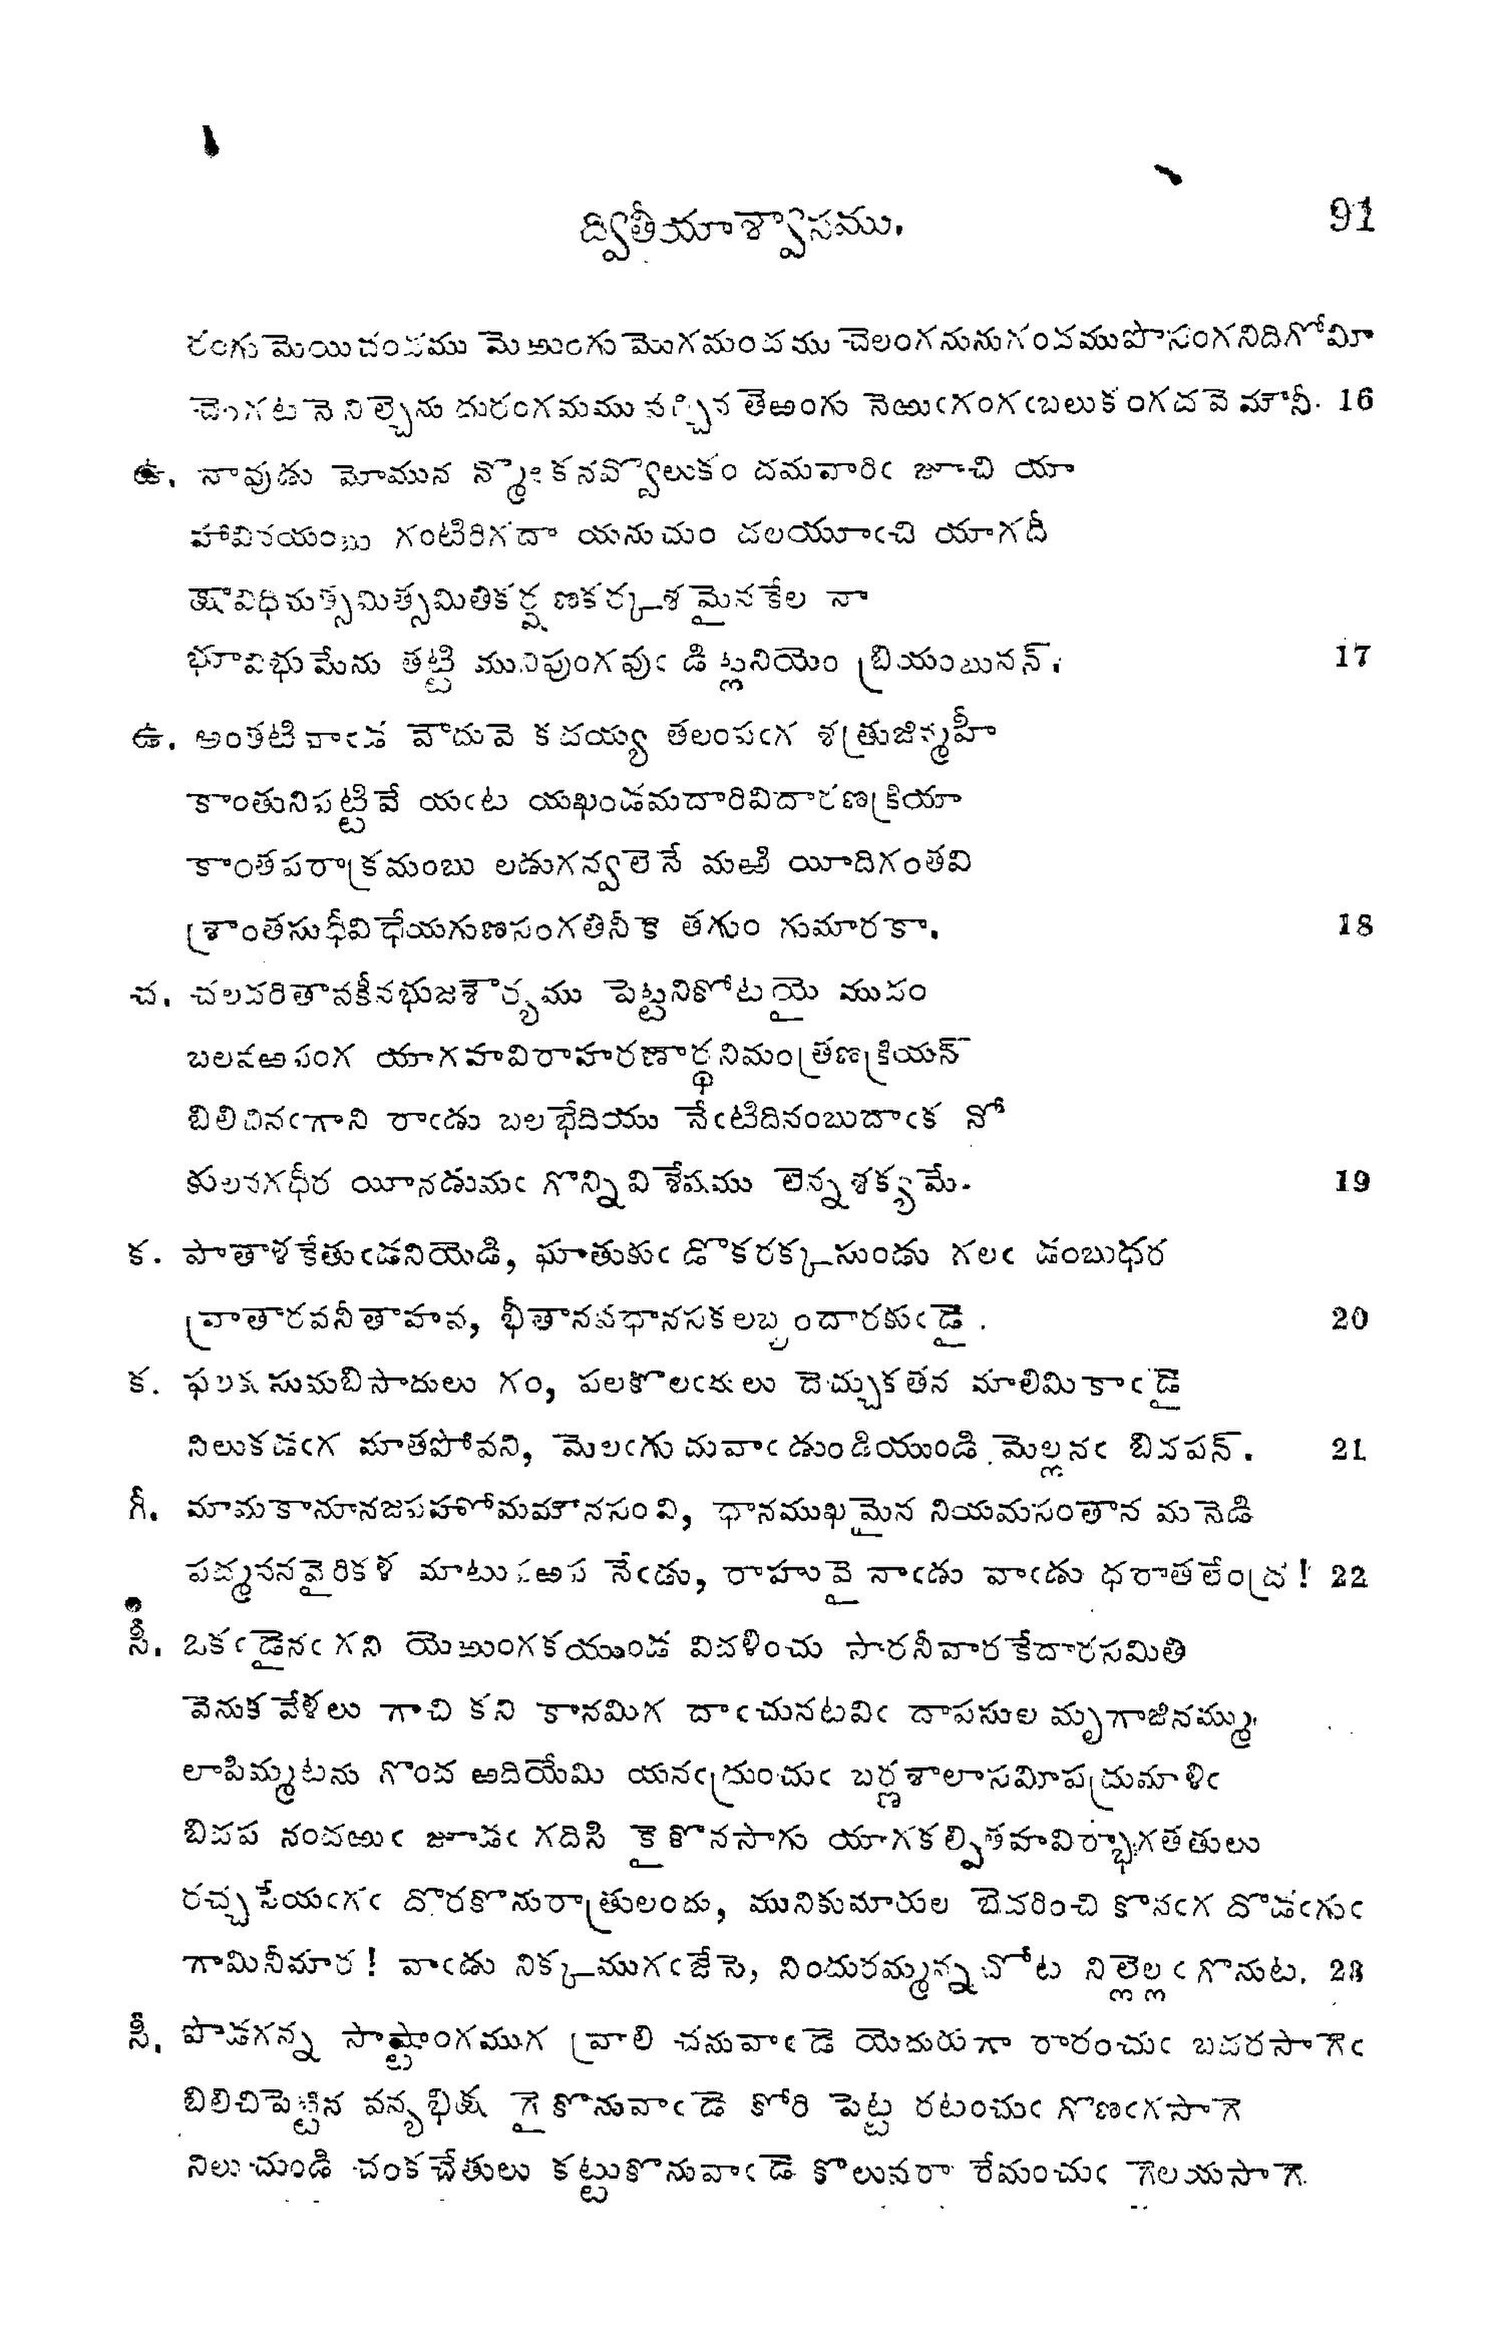రంగు మెయిచందము మెఱుంగు మొగమంచము చెలంగ నునుగందము పొసంగ నిదిగో మీ
చెంగటనె నిల్చెను దురంగమము వచ్చినతెఱంగు నెఱుఁగంగఁ బలుకంగదవె మౌనీ.
ఉ. నావుడు మోమున న్మొలకకన వ్వొలుకం దమవారిఁ జూచి యా
హా వినయంబు గంటిరిగదా యనుచుం దలయూఁచి యాగదీ
క్షావిధిమత్సమిత్సమితికర్షణకర్కశమైనకేల నా
భూవిభుమేను తట్టి మునిపుంగవుఁ డిట్లనియెం బ్రియంబునన్.
ఉ. అంతటివాఁడ వౌదువె కదయ్య తలంపఁగ శత్రుజిన్మహీ
కాంతునిపట్టివే యఁట యఖండమదారివిదారణక్రియా
కాంతపరాక్రమంబు లడుగన్వలెనే మఱి యీదిగంతవి
శ్రాంతసుధీవిధేయగుణసంగతి నీకె తగుం గుమారకా.
చ. చలదరితావకీనభుజశౌర్యము పెట్టనికోటయై ముదం
బలవఱపంగ యాగహవిరాహరణార్థనిమంత్రణక్రియన్
బిలిచినఁ గాని రాఁడు బలభేదియు నేఁటిదినంబుదాఁక నో
కులనగధీర యీనడుమఁ గొన్నివిశేషము లెన్న శక్యమే.
క. పాతాళకేతుఁ డనియెడి ఘాతుకుఁ డొకరక్కసుండు గలఁ డంబుధర
వ్రాతారవనీతాహవ, భీతానవధానసకలబృందారకుఁడై.
క. ఫలకుసుమబిసాదులు గం, పలకొలఁదులు దెచ్చుకతన మాలిమికాఁడై
నిలుకడఁగ మాతపోవని, మెలఁగుచు వాఁ డుండియుండి మెల్లనఁ బిదపన్.
గీ. మామకానూనజపహోమమౌనసంవి, ధానముఖమైన నియమసంతాన మనెడి
పద్మవనవైరికళ మాటువఱప నేఁడు, రాహువైనాఁడు వాఁడు ధరాతలేంద్ర!
సీ. ఒకఁ డైనఁ గని యెఱుంగకయుండ విదళించు సారనీవారకేదారసమితి
వెనుకవేళలు గాచి కని కానమిగ దాఁచు నటవిఁ దాపసుల మృగాజినమ్ము
లాపిమ్మటను గొంద ఱది యేమి యనఁ ద్రుంచుఁ బర్ణశాలాసమీప ద్రుమాళి
బిదప నందఱుఁ జూడఁ గదిసి కైకొనసాగు యాగకల్పితహవిర్భాగతతులు
రచ్చ సేయఁగఁ దొరకొను రాత్రులందు, మునికుమారుల బెదరించి కొనఁగ దొడఁగుఁ
గామినీమార! వాఁడు నిక్కముగఁ జేసె, నిందు రమ్మన్నచోట నిల్లెల్లఁ గొనుట.
సీ. పొడగన్న సాష్టాంగముగ వ్రాలి చనువాఁడె యెదురుగా రారంచుఁ బదరసాగెఁ
బిలిచిపెట్టిన వన్యభిక్ష గైకొనువాఁడె కోరి పెట్ట రటంచుఁ గొణఁగసాగె
నిలుచుండి చంక చేతులు కట్టుకొనువాఁడె కొలువరా రేమంచుఁ గెలయసాగె